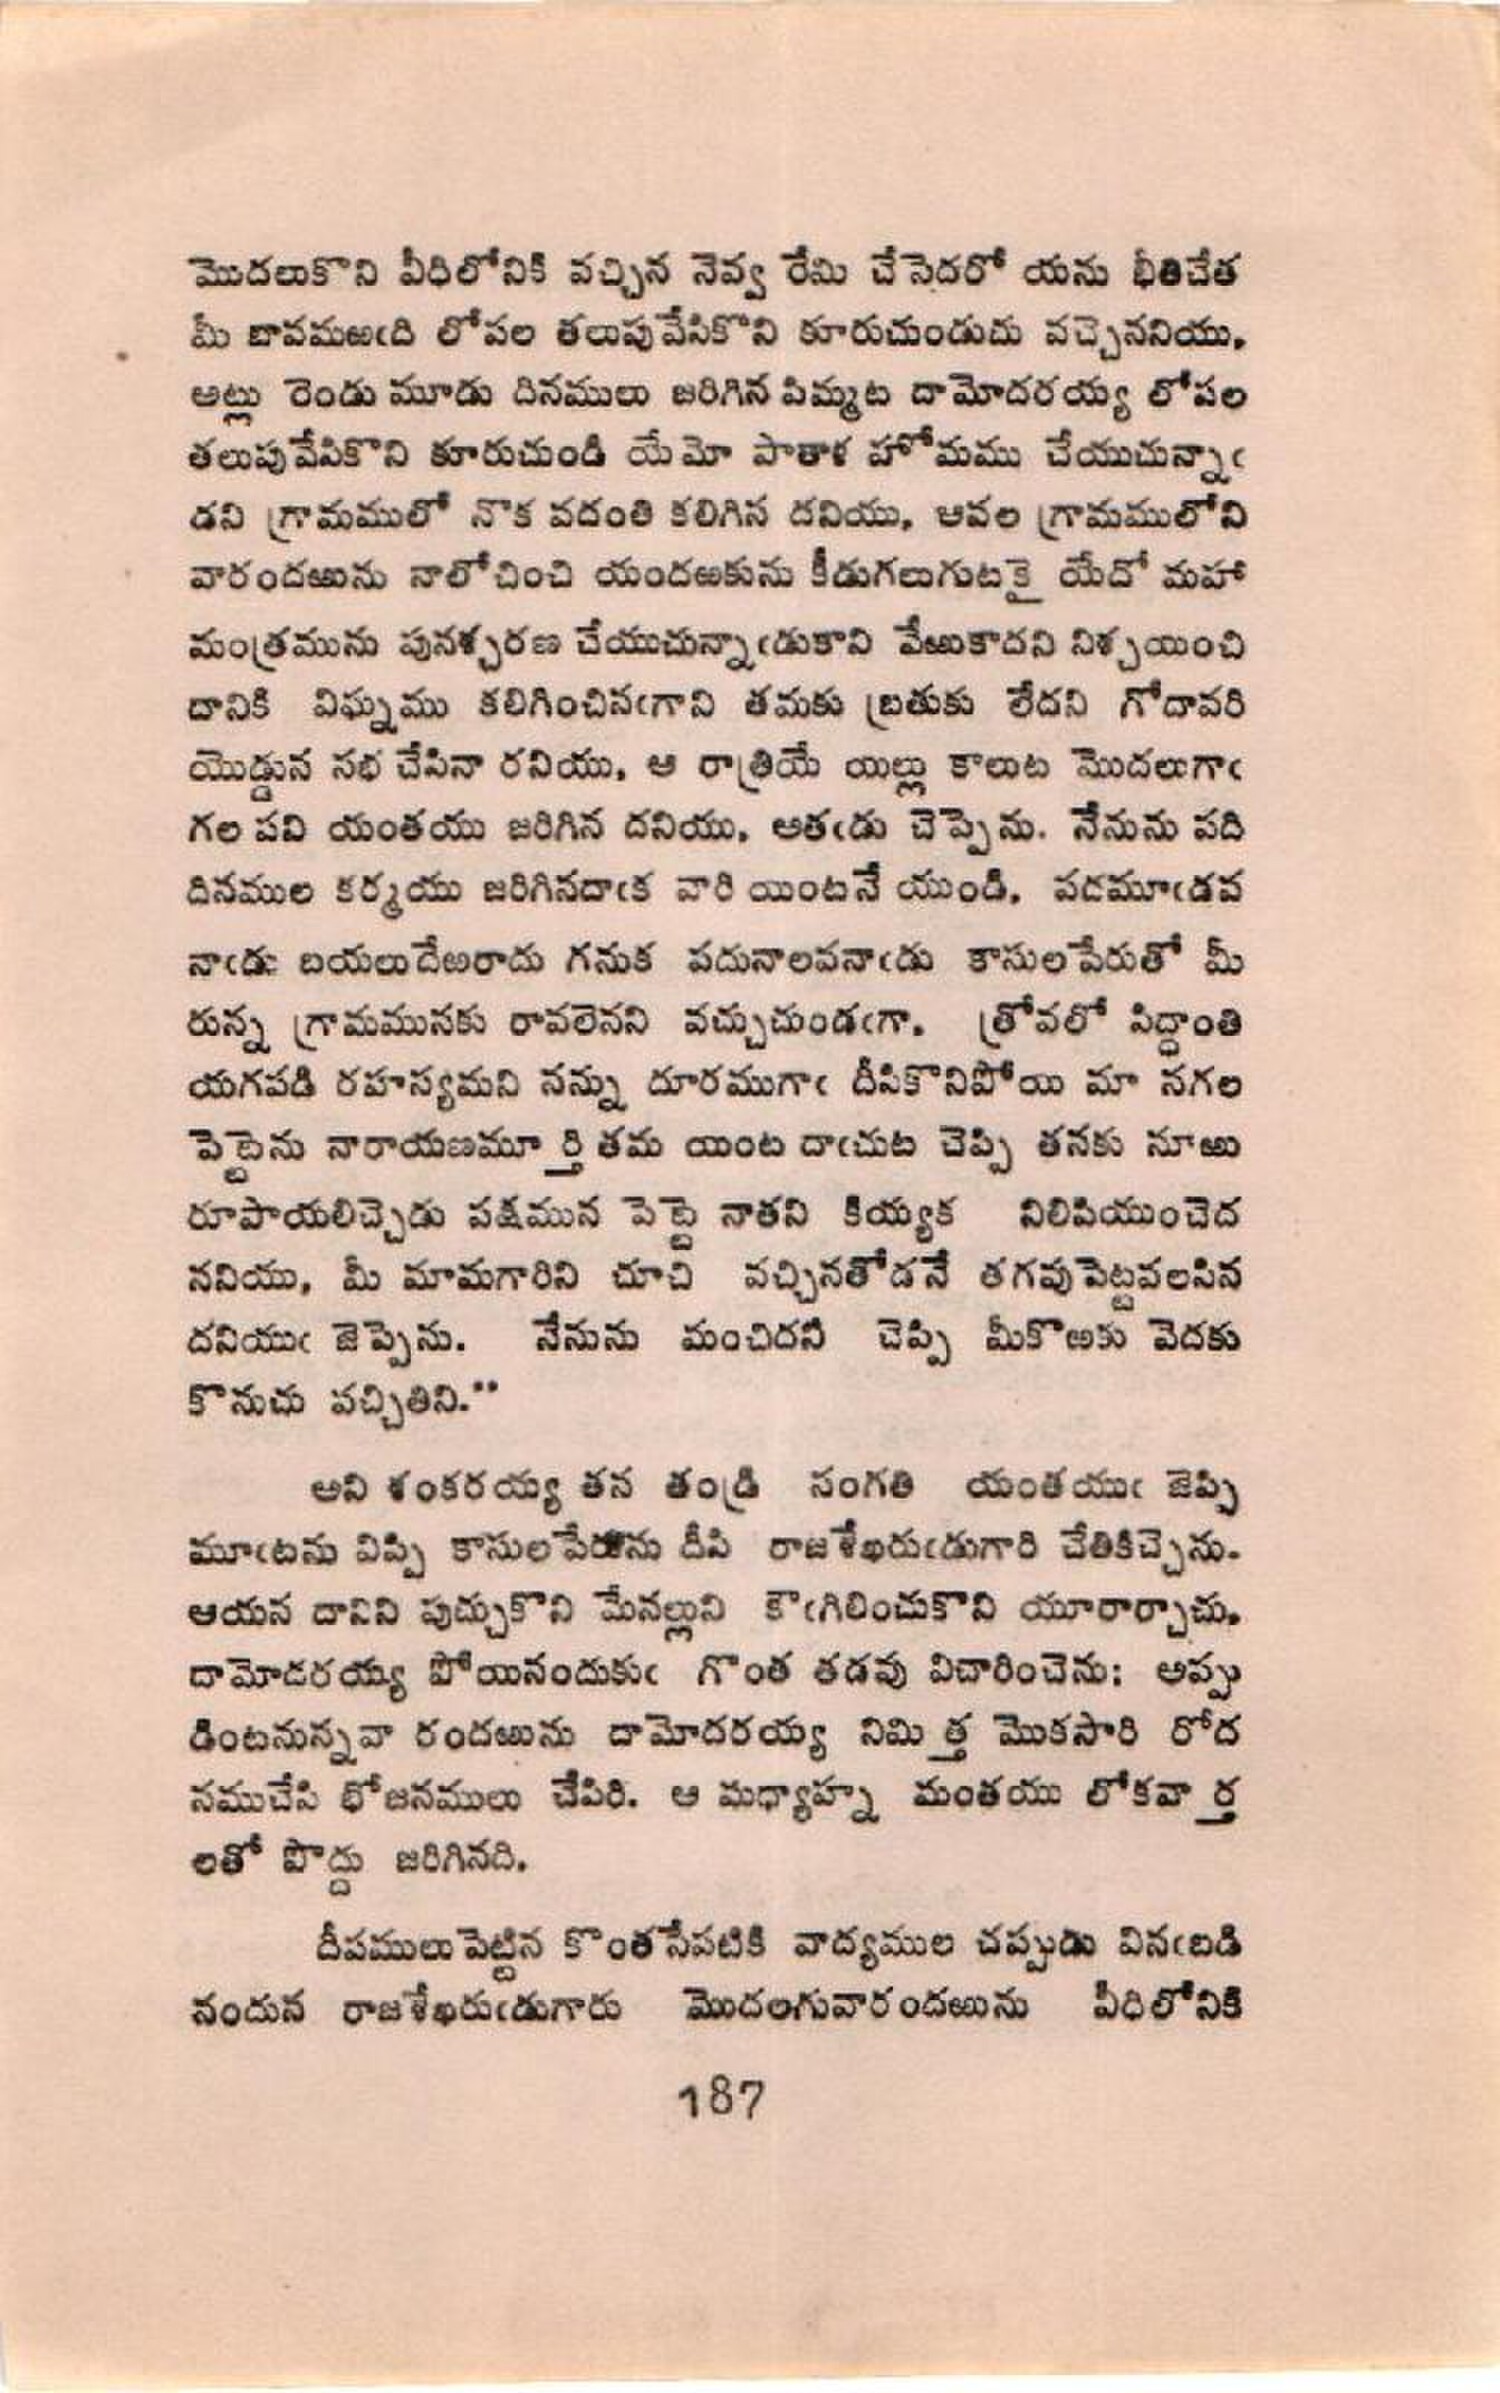మొదలుకొని వీధిలోనికి వచ్చిన నెవ్వరేమి చేసెదరో యను భీతిచేత మీ బావమఱఁది లోపల తలుపువేసికొని కూరుచుండుచు వచ్చెననియు, అట్లు రెండు మూడు దినములు జరిగిన పిమ్మట దామోదరయ్య లోపల తలుపువేసికొని కూరుచుండి యేమో పాతాళ హోమము చేయుచున్నాఁ డని గ్రామములో నొక వదంతి కలిగిన దనియు, ఆవల గ్రామములోని వారందఱును నాలోచించి యందఱకును కీడుగలుగుటకై యేదో మహా మంత్రమును పునశ్చరణ చేయుచున్నాఁడుకాని వేఱు కాదని నిశ్చయించి దానికి విఘ్నము కలిగించినఁగాని తమకు బ్రతుకు లేదని గోదావరి యొడ్డున సభ చేసినా రనియు, ఆ రాత్రియే యిల్లు కాలుట మొదలుగా గల పని యంతయు జరిగిన దనియు, ఆతఁడు చెప్పెను. నేనును పది దినముల కర్మయు జరిగినదాఁక వారి యింటనే యుండి, పదమూడవ నాడు బయలుదేఱరాదు గనుక పదునాలుగవనాడు కాసుల పేరుతో మీరున్న గ్రామమునకు రావలెనని వచ్చుచుండగా, త్రోవలో సిద్ధాంతి యగపడి రహస్యమని నన్ను దూరముగాఁ దీసికొనిపోయి మా నగల పెట్టెను నారాయణమూర్తి తమ యింట దాఁచుట చెప్పి తనకు నూఱు రూపాయలిచ్చెడు పక్షమున పెట్టె నాతని కియ్యక నిలిపియుంచెద ననియు, మీ మామగారిని చూచి వచ్చినతోడనే తగవుపెట్టవలసిన దనియుఁ జెప్పెను. నేనును మంచిదనీ చెప్పి మీకొఱకు వెదకు కొనుచు వచ్చితిని."

అని శంకరయ్య తన తండ్రి సంగతి యంతయుఁ జెప్పి మూఁటను విప్పి కాసుల పేరును దీసి రాజశేఖరుడుగారి చేతికిచ్చెను. ఆయన దానిని పుచ్చుకొని మేనల్లుని కౌగిలించుకొని యూరార్చాచు, దామోదరయ్య పోయినందుకుఁ గొంత తడవు విచారించెను; అప్పు డింటనున్నవా రందఱును దామోదరయ్య నిమిత్త మొకసారి రోద నముచేసి భోజనములు చేసిరి. ఆ మధ్యాహ్న మంతయు లోకవార్త లతో పొద్దు జరిగినది.

దీపములు పెట్టిన కొంతసేపటికి వాద్యముల చప్పడు వినఁబడి నందున రాజశేఖరుడు మొదలగువారందఱును వీథిలోనికి